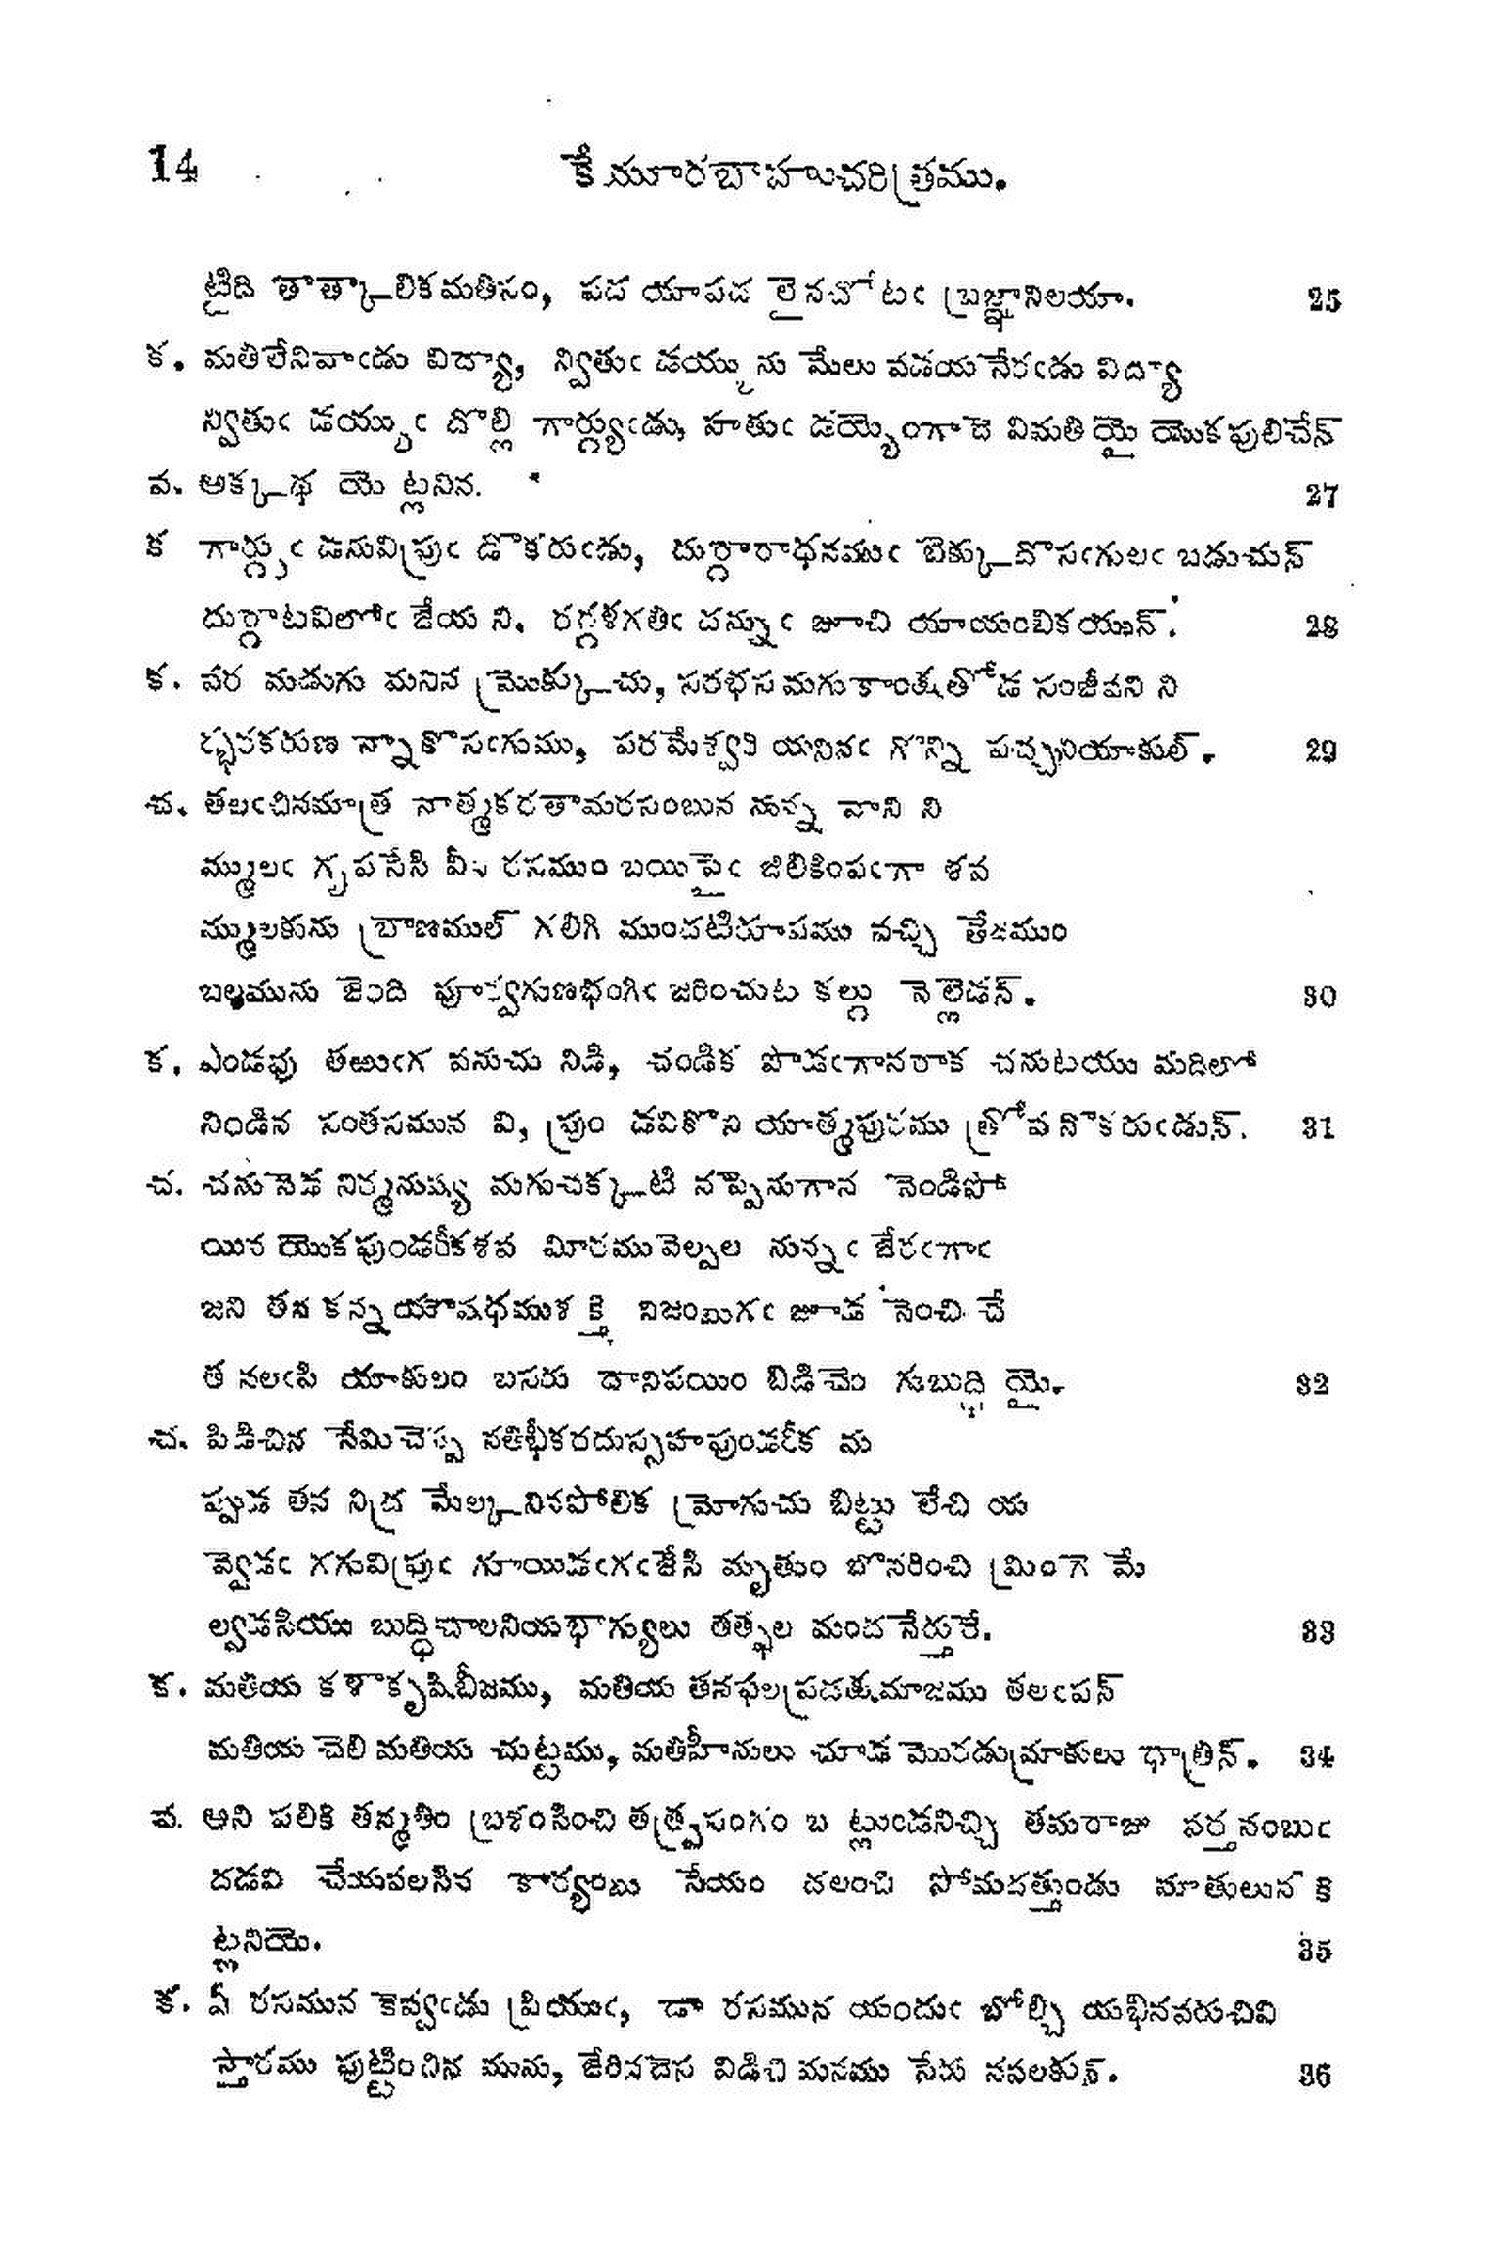ట్టిది తాత్కాలికమతిసం, పద యాపద లైనచోటఁ బ్రజ్ఞానిలయా.
క. మతిలేనివాఁడు విద్యా, న్వితుఁ డయ్యును మేలు వడయ నేరఁడు విద్యా
 న్వితుఁ డయ్యుఁ దొల్లి గార్గ్యుఁడు, హతుఁ డయ్యెంగాదె విమతి యై యొకపులిచేతన్.
వ. అక్కథ యెట్లనిన.
క. గార్గ్యుఁ డనువిప్రుఁ డొకరుఁడు, దుర్గారాధనముఁ బెక్కుదొసఁగులఁ బడుచున్
 దుర్గాటవిలోఁ జేయ ని, రర్గళగతిఁ దన్నుఁ జూచి యాయంబికయున్.
క. వర మడుగు మనిన మ్రొక్కుచు, సరభసమగు కాంక్షతోడ సంజీవని ని
 ర్భరకరుణ న్నాకొసఁగుము, పరమేశ్వరి యనినఁ గొన్ని పచ్చనియాకుల్.
చ. తలఁచినమాత్ర నాత్మకరతామరసంబున నున్న వాని ని
 మ్ములఁ గృపసేసి వీని రసముం బయిపైఁ జిలికింపఁగా శవ
 మ్ములకును బ్రాణముల్ గలిగి ముందటిరూపము వచ్చి తేజముం
 బలమును జెంది పూర్వగుణభంగిఁ జరించుట కల్గు నెట్టెడన్.
క. ఎండవు తఱుఁగ వనుచు నిడి, చండిక పొడఁగానరాక చనుటయు మదిలో
 నిండిన సంతసమున వి, ప్రుం డవికొని యాత్మపురము త్రోవ నొకరుఁడున్.
చ. చనునెడ నిర్మనుష్య మగుచక్కటి నప్పెనుగాన నెండిసో
 యిన యొకపుండరీకశవ మీరమువెల్పల నున్నఁ జేరఁగాఁ
 జని తన కన్నయౌషధముశక్తి నిజంబుగఁ జూడ నెంచి చే
 త నలఁపి యాకులం బసరు దానిపయిం బిడిచెం గుబుద్ధి యై.
చ. పిడిచిన నేమి చెప్ప నతిభీకరదుస్సహపుండరీక మ
 ప్పుడ తన నిద్ర మేల్కనినపోలిక మ్రోగుచు బిట్టు లేచి య
 వ్వెడఁ గగువిప్రుఁ గూయిడఁగఁజేసి మృతుం బొనరించి మ్రింగె మే
 ల్వడసియు బుద్ధిచాలనియభాగ్యులు తత్ఫల మంద నేర్తురే.
క. మతియ కళాకృషిబీజము, మతియ తన ఫలప్రదక్షమాజము తలఁపన్
 మతియ చెలి మతియ చుట్టము, మతిహీనులు చూడ మొరడుమ్రాకులు ధాత్రిన్.
వ. అని పలికి తన్మతిం బ్రశంసించి తత్ప్రసంగం బట్లుండనిచ్చి తమరాజు వర్తనంబుఁ
 దడవి చేయవలసిన కార్యంబు సేయం దలంచి సోమదత్తుండు మాతులున కి
 ట్లనియె.
క. ఏ రసమున కెవ్వఁడు ప్రియుఁ, డా రసమున యందుఁ బోల్చి యభినవరు చివి
 స్తారము పుట్టించిన మును, జేరినదెస విడిచి మనము సేరు నవలకున్.